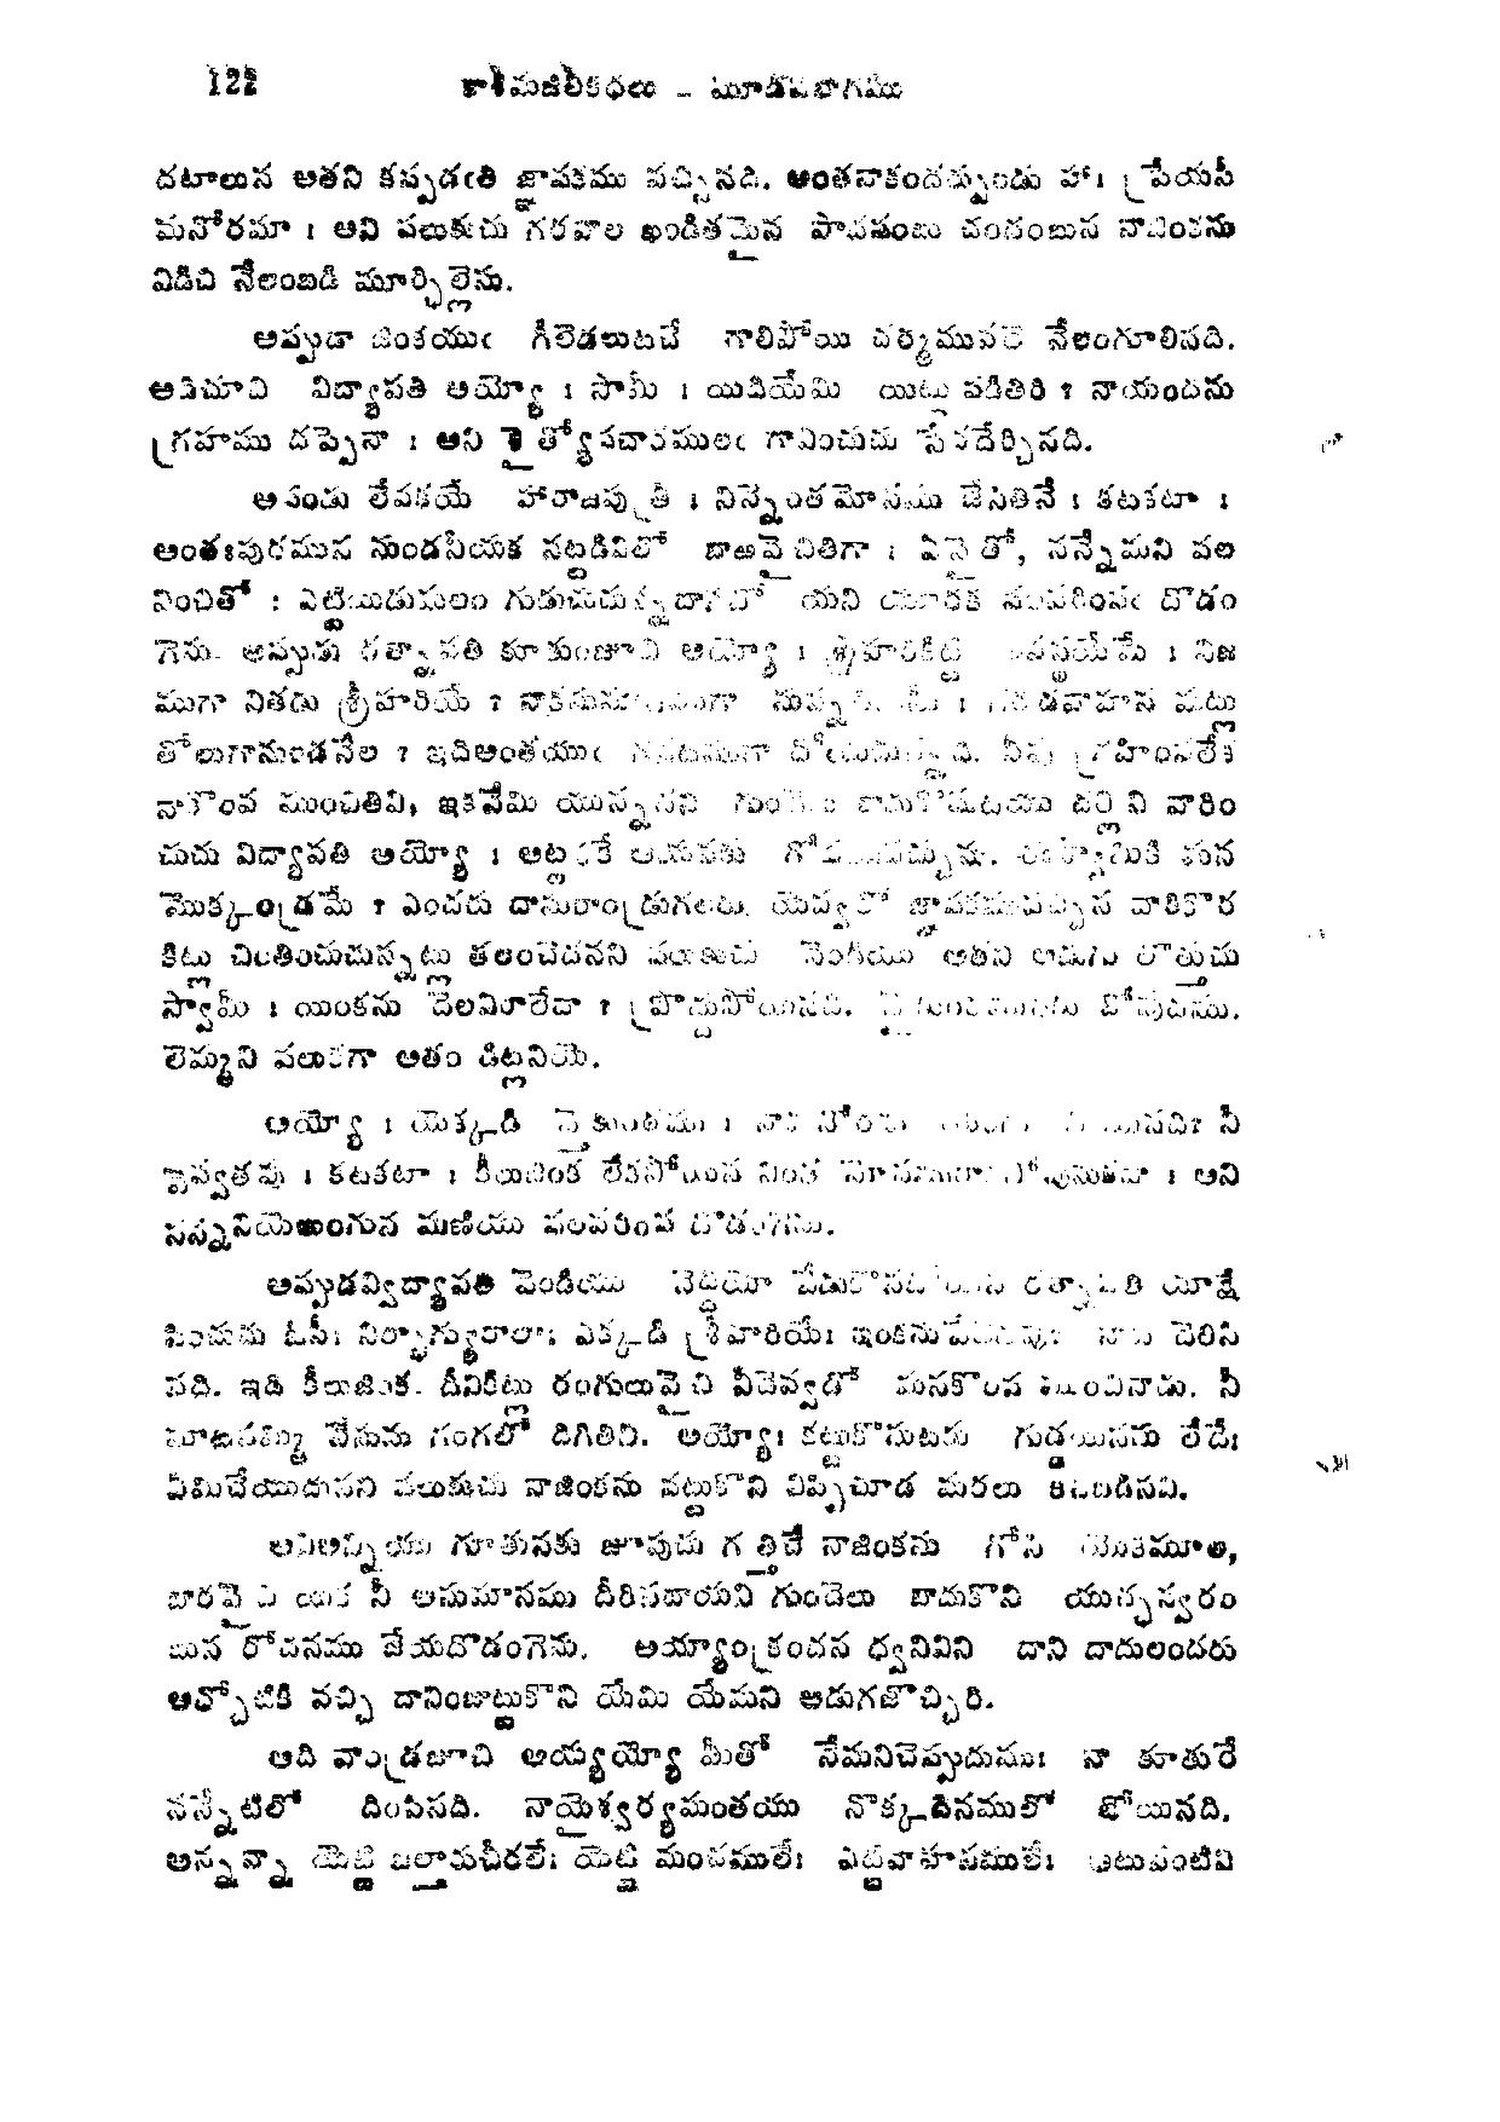దటాలున అతని కప్పడఁతి జ్ఞాపకము వచ్చినది. అంత నాకందర్పుండు హా! ప్రేయసీ మనోరమా! అని పలుకుచు గరమాల ఖండితమైన పాదపంబు చందంబున నాజింకను విడిచి నేలంబడి మూర్ఛిల్లెను.

అప్పు డాజింకయుఁ గీలెడలుటచే గాలిపోయి చర్మమువలె నేలంగూలినది. అది చూచి విద్యావతి అయ్యో! సామీ! యిది యేమి యిట్లు పడితిరి? నాయం దనుగ్రహము దప్పెనా? అని శైత్యోపచారములఁ గావించుచు సేదదేర్చినది.

ఆతండు లేవకయే హారాజపుత్రీ! నిన్నెంత మోసము జేసితినే? కటకటా? అంతఃపురమున నుండనీయక నట్టడివిలో బాఱవైచితిగా! ఏనైతో, నన్నేమని వలవించితో! ఎట్టి యిడుమలం గుడుచుదున్నదానవో యని యూరక పలవరింపఁ దొడంగెను. అప్పుడు రత్నావతి కూతుంజూచి అయ్యో! శ్రీహరి కిట్టి అవస్థ యేమే? నిజముగా నితడు శ్రీహరియే? నాకనుమానముగా నున్నది. మీ గరుడవాహన మట్లు తోలుగానుండనేల? ఇదిఅంతయుఁ గపటముగా దోయచున్నది. నీవు గ్రహింపలేక నాకొంప ముంచతివి, ఇక నేమి యున్నదని గుండెల బాదుకొనుటయు దల్లిని వారించుచు విద్యావతి అయ్యో! అట్లనకే ఆయనకు గోపమువచ్చును. ఈస్వామికి మన మొక్కండ్రమే? ఎందరు దాసురాండ్రుగలరు. యెవ్వరో జ్ఞాపకమువచ్చిన వారికొర కిట్లు చింతించుచున్నట్లు తలంచెదనని పలుకుచు వెండియు అతని అడుగు లొత్తుచు స్వామీ! యింకను దెలివిరాలేదా? ప్రొద్దుపోయినది. వైకుంఠమునకు బోవుదము. లెమ్మని పలుకగా అతం డిట్లనియె.

అయ్యో! యెక్కడి వైకుంఠము? నీ వెవ్వతవు? కటకటా! కీలుజింక లేకపోయిన నింత మోసము రాకపోవునుకదా? అని సన్ననియెలుంగున మణియు పలవరింప దొడంగెను.

అప్పు డవ్విద్యావతి వెండియు నెద్దియో వేడుకొనబోయిన రత్నావతి యాక్షేపించుచు ఓసీ! నిర్భాగ్యురాలా? ఎక్కడి శ్రీహరియే? ఇంకను వేదనవుట నాకు దెలిసినది. ఇది కీలుజింక. దీని కిట్లు రంగులువైచి వీడెవ్వడో మనకొంప ముంచినాడు. నీ మాటనమ్మి నేనును గంగలో దిగితిని. అయ్యో? కట్టుకొనుటకు గుడ్డయినను లేదే? ఏమిచేయుదునని పలుకుచు నాజింకను పట్టుకొని విప్పిచూడ మరలు కనబడినవి.

అవి అన్నియు గూతునకు జూపుచు గత్తిచే నాజింకను గోసి యొకమూల, బారవైచి యిక నీ అనుమానము దీరినదాయని గుండెలు బాదుకొని యుచ్ఛస్వరంబున రోదనము జేయదొడంగెను. అయ్యాంక్రందనధ్వని విని దాని దాదులందరు అచ్చోటికి వచ్చి దానింజుట్టుకొని యేమి యేమని అడుగజొచ్చిరి.

అది వాండ్ర జూచి అయ్యయ్యో మీతో నేమని చెప్పుదుము? నా కూతురే నన్నేటిలో దింపినది. నాయైశ్వర్యమంతయు నొక్కదినములో బోయినది. అన్నన్నా యెట్టి జల్తారుచీరలే! యెట్టి మంచములే! ఎట్టివాహనములే! అటువంటివి